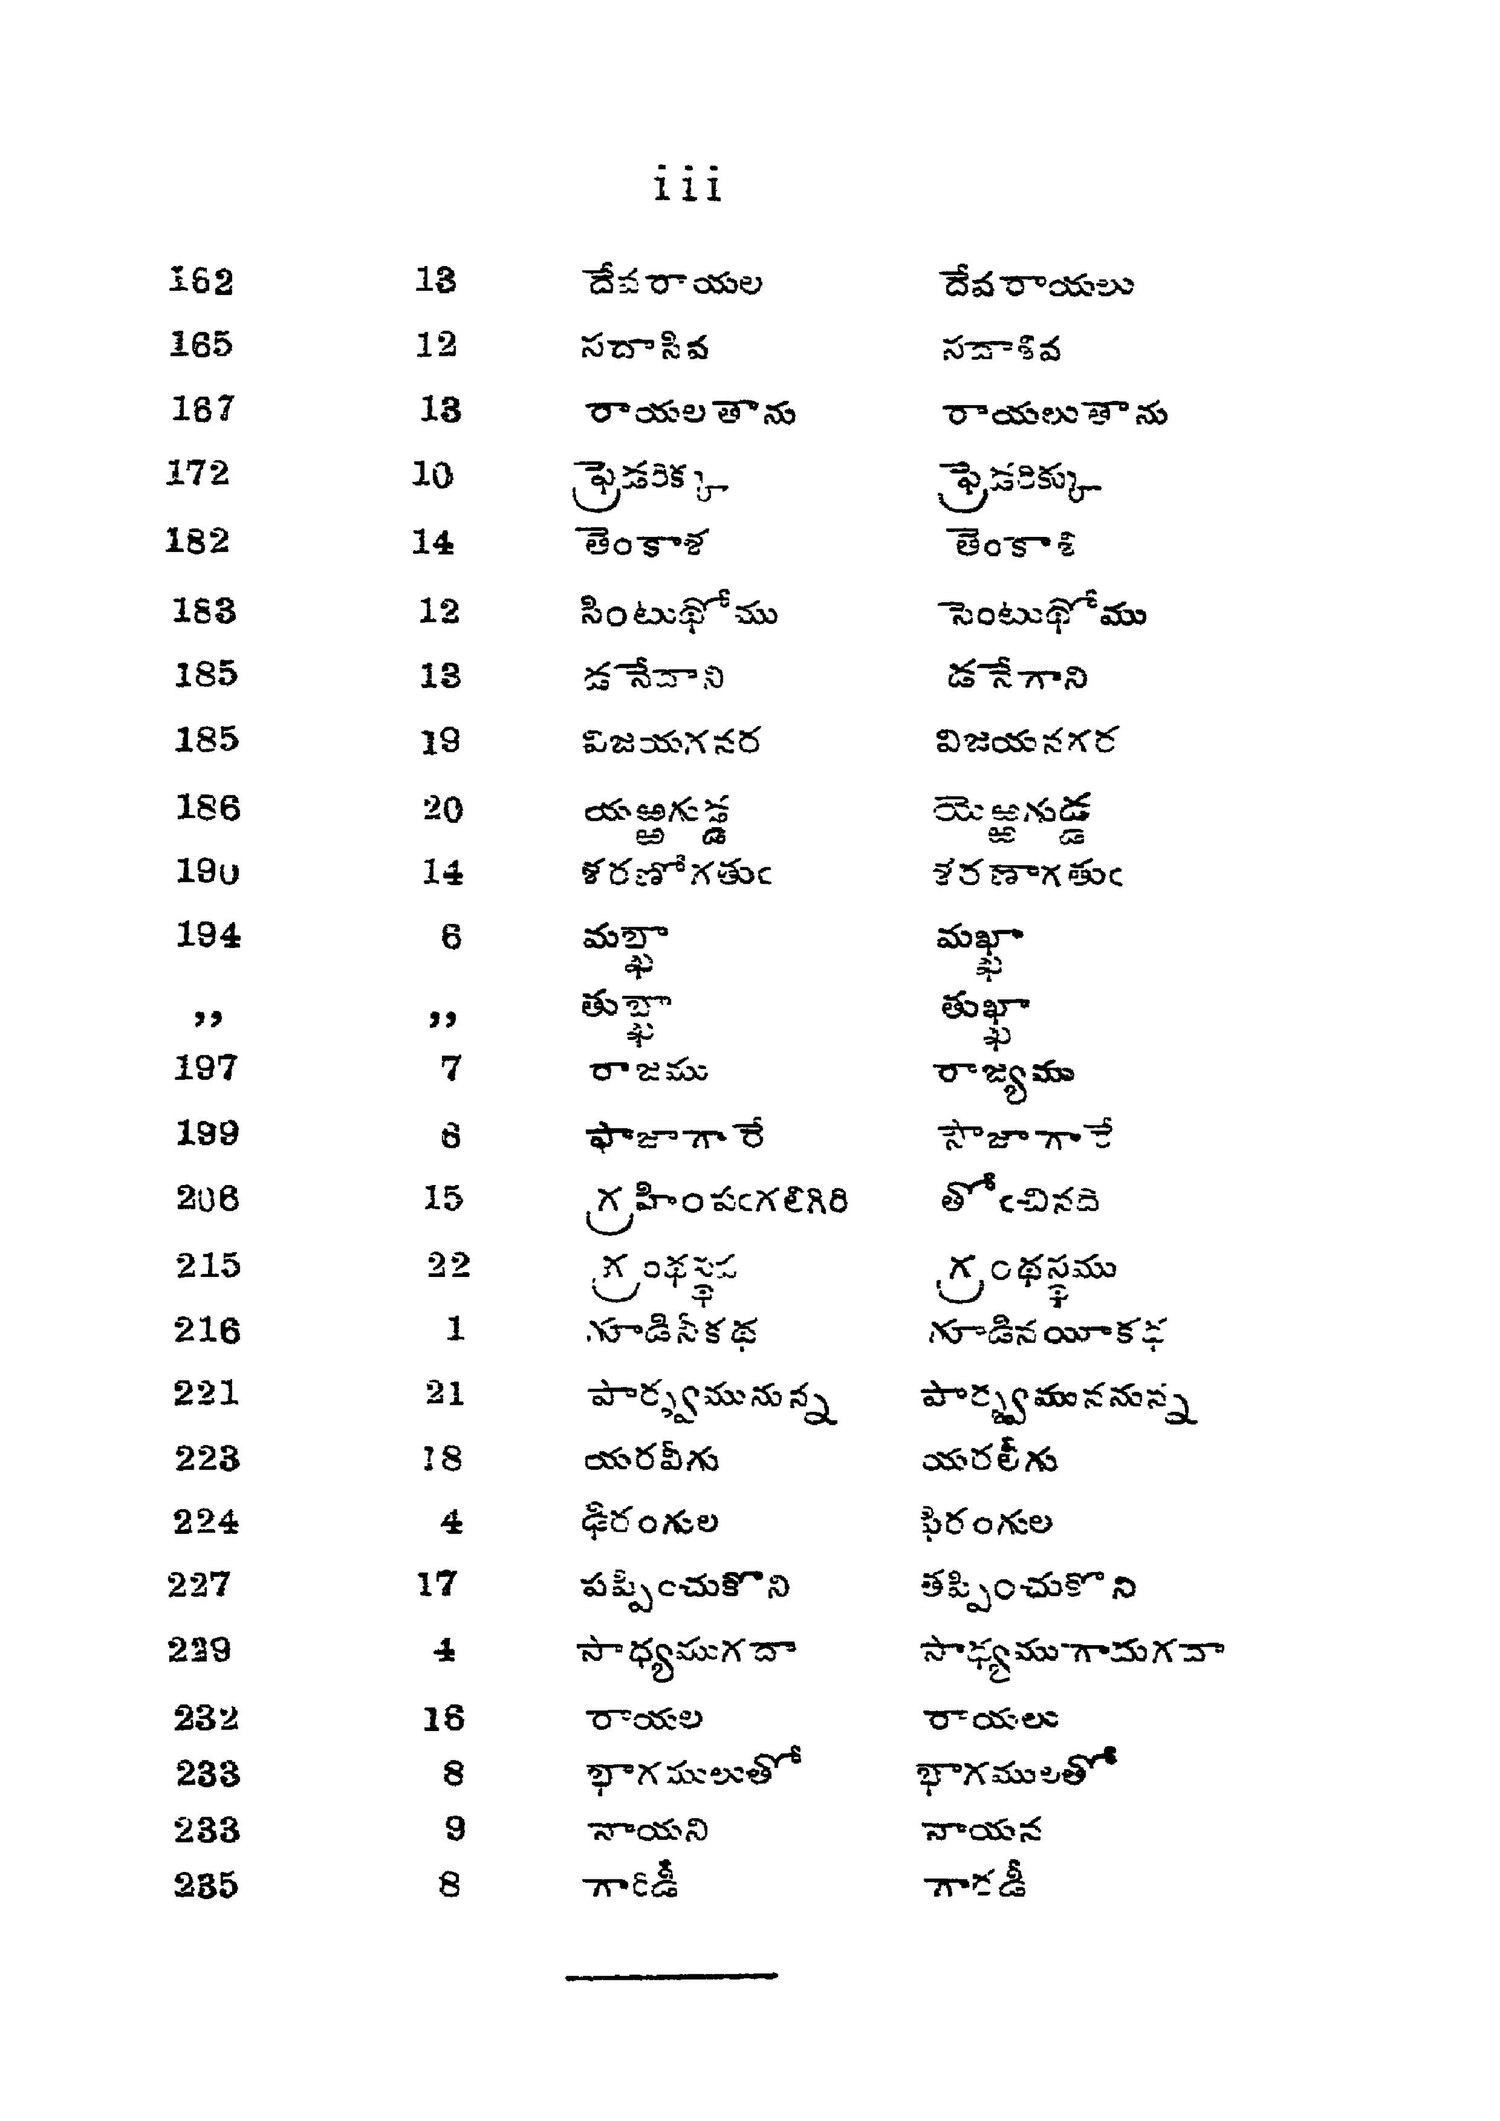162 13 దేవరాయల దేవరాయలు 165 12 సదాసివ సదాశివ 167 13 రాయలతాను రాయలుతాను 172 10 ఫ్రెడరిక్క ఫ్రెడరిక్కు 182 14 తెంకాశ తెంకాశి 183 12 సింటుథోము సెంటుథోము 185 13 డనేదాని డనేగాని 185 19 విజయగనర విజయనగర 186 20 యఱ్ఱగుడ్డ యెఱ్ఱగుడ్డ 190 14 శరణోగతు శరణాగతు 194 6 మబ్ఖా మఖ్ఖా 194 6 తుబ్ఖా తుఖ్ఖా 197 7 రాజము రాజ్యము 199 6 ఫాజాగారే సౌజాగారే 206 15 గ్రహింపగలిగిరి తోచినది 215 22 గ్రంథస్థవ గ్రంథస్థము 216 1 గూడినీకథ గూడినయీకధ 221 21 పార్శ్వమునున్న పార్శ్వముననున్న 223 18 యరవీగు యరలీగు 224 4 ఢిరంగుల ఫిరంగుల 227 17 పప్పించుకొని తప్పించుకొని 229 4 సాధ్యముగదా సాధ్యముగాదుగదా 232 16 రాయల రాయలు 233 8 భాగములుతో భాగములతో 233 9 నాయని నాయన 235 8 గారిడీ గారడీ